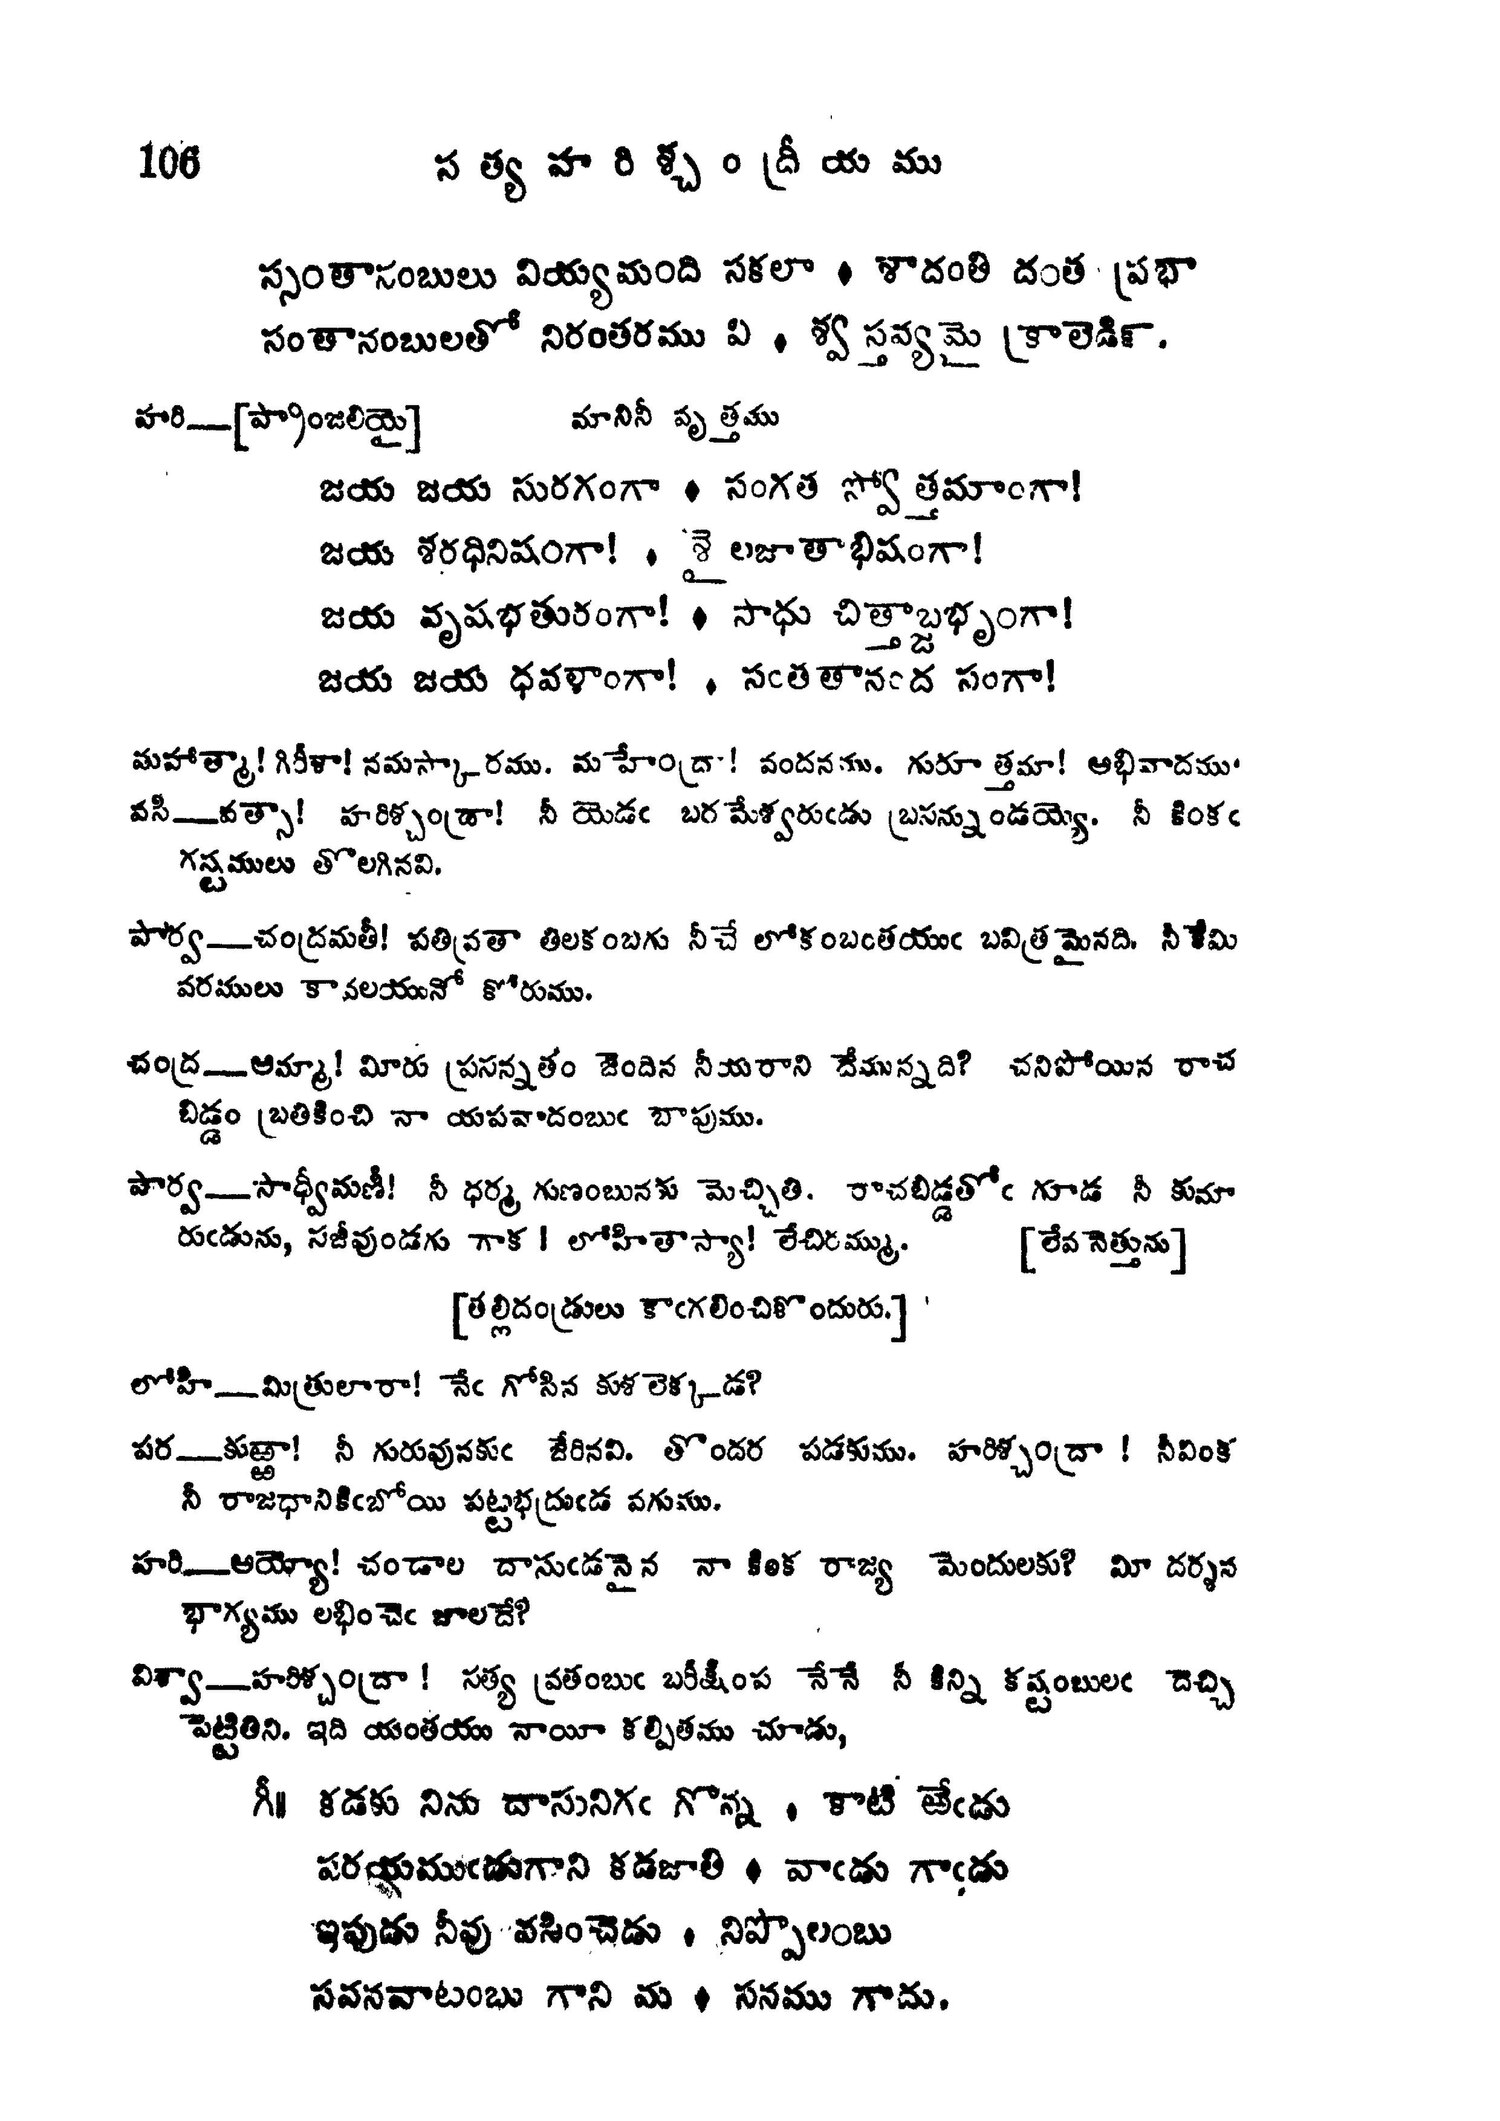హరి - 	(ప్రాంజలియై)

మానినీ వృత్తము 	

 
జయ జయ సురగంగా సంగతస్త్వోత్తమాంగా!
జయ జయ శరధినిషంగా శైలజాతాభిషాంగా!
జయ జయ వృషభతురంగా! సాధుచిత్తాబ్జభృంగా!
జయ జయ ధవళాంగా! సంతతానందసంగా!
 

మహాత్మా గిరీశా! నమస్కారము మహేంద్రా! వందనము గురూత్తమా! అభివాదము.

వసి - 	వత్సా! హరిశ్చంద్రా, నీయెడ పరమేశ్వరుఁడు ప్రసన్నుడయ్యె నీ కిఁక గష్టములు తొలగినవి.

పార్వ - 	చంద్రమతీ! పతివ్రతాతిలకంబగు నీచే లోకమంతయుఁ బవిత్రమైనది. నీ కేమి వరములు కావలయునో కోరుకొనుము.

చంద్ర - 	అమ్మా! మీరు ప్రసన్నత జెందిన నీయరాని దేమున్నది? చనిపోయిన రాచబిడ్డను బ్రతికించి నాయపవాదము బాపుము.

పార్వ -	సాధ్వీమణీ! నీ ధర్మమునకు మెచ్చితిఁ, రాచబిడ్డతోగూడ నీకుమారుడు సజీవుండగు గాక! లోహితాస్యా లేచిరమ్ము! (లేవనెత్తును)

(తల్లి దండ్రులు కౌగిలించుకొందురు)

లోహి - 	మిత్రులారా! నే గోసిన కుశలెక్కడ?

పర - 	కుఱ్ఱా! నీ గురువులకు జేరినవి, తొందరపడకుము. హరిశ్చంద్రా! నీవిఁక రాజధాని బోయి పట్టభద్రుండవగుము.

హరి - 	అయ్యా! చండాలదాసుడనైన నాకింక రాజ్యమెందులకు? మీ దర్శన భాగ్యము లభించె జాలదా?

విశ్వా - హరిశ్చంద్రా! సత్యవ్రతము పరీక్షింప నేనే నీకిన్ని కష్టములు దెచ్చిపెట్టితిని. ఇది యంతయు నా మాయా కల్పితము. చూడు.

 
గీ. 	కడకు నిను దాసునిగ గొన్న కాటిఱేడు
పరయముడు గాని కడజాతి వాడు గాఁడు
ఇప్పుడు నీవు వసించెడు నిప్పొలంబు
సపనవాటంబు గాని మసనము కాదు.